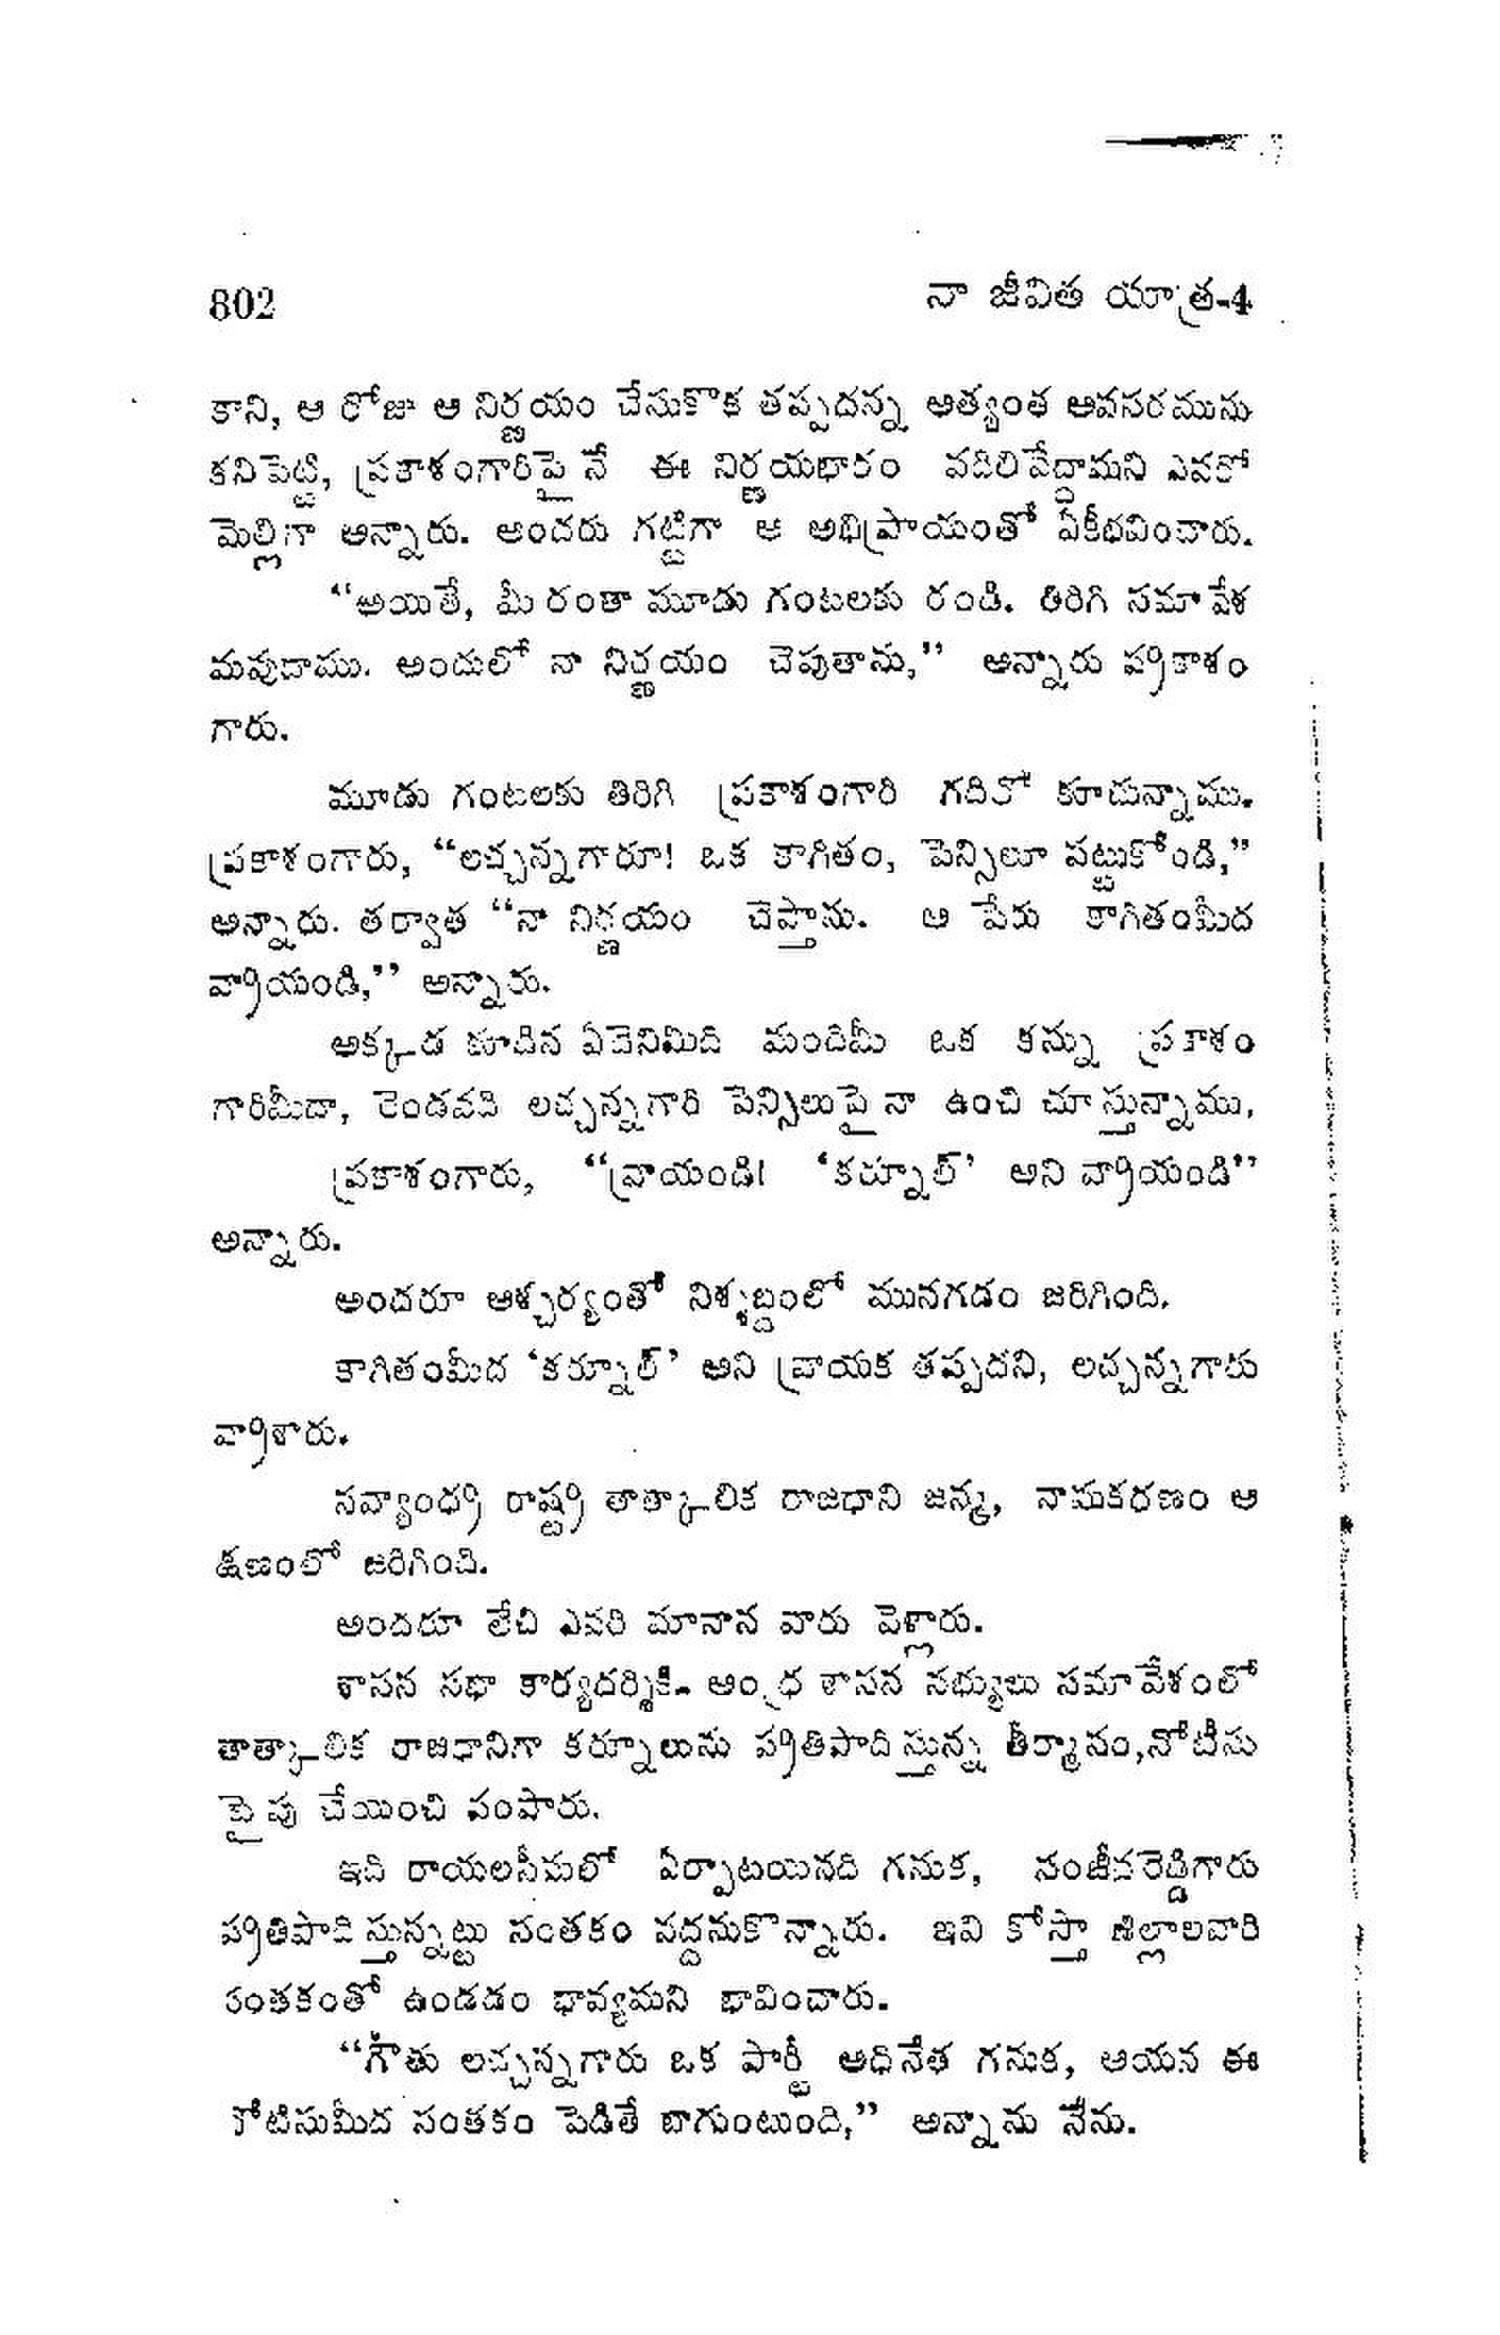కాని, ఆ రోజు ఆ నిర్ణయం చేసుకోక తప్పదన్న అత్యంత అవసరమును కనిపెట్టి, ప్రకాశంగారిపైనే ఈ నిర్ణయభారం వదిలివేద్దామని ఎవరో మెల్లిగా అన్నారు. అందరు గట్టిగా ఆ అభిప్రాయంతో ఏఖీభవించారు.

"అయితే, మీ రంతా మూడు గంటలకు రండి. తిరిగి సమావేశమవుతాము. అందులో నా నిర్ణయం చెపుతాను," అన్నారు ప్రకాశంగారు.

మూడు గంటలకు తిరిగి ప్రకాశంగారి గదిలో కూచున్నాము. ప్రకాశంగారు, "లచ్చన్నగారూ! ఒక కాగితం, పెన్సిలూ పట్టుకోండి," అన్నారు. తర్వాత "నా నిర్ణయం చెప్తాను. ఆ పేరు కాగితంమీద వ్రాయండి," అన్నారు.

అక్కడ కూడిన ఏడెనిమిది మందిమీ ఒక కన్ను ప్రకాశం గారిమీదా, రెండవది లచ్చన్న గారి పెన్సిలుపైనా ఉంచి చూస్తున్నాము.

ప్రకాశంగారు, "వ్రాయండి! 'కర్నూల్‌' అని వ్రాయండి" అన్నారు.

అందరూ ఆశ్చర్యంతో నిశ్శబ్దంలో మునగడం జరిగింది.

కాగితంమీద 'కర్నూల్‌' అని వ్రాయక తప్పదని, లచ్చన్నగారు వ్రాశారు.

నవ్యాంధ్ర రాష్ట్ర తాత్కాలిక రాజధాని జన్మ, నామకరణం ఆ క్షణంలో జరిగింది.

అందరూ లేచి ఎవరి మానాన వారు వెళ్ళారు.

శాసన సభా కార్యదర్శికి - ఆంధ్ర శాసన సభ్యులు సమావేశంలో తాత్కాలిక రాజధానిగా కర్నూలును ప్రతిపాదిస్తున్న తీర్మానం, నోటీసు టైపు చేయించి పంపారు.

ఇది రాయలసీమలో ఏర్పాటయినది గనుక, సంజీవరెడ్డిగారు ప్రతిపాదిస్తున్నట్టు సంతకం వద్దనుకొన్నారు. ఇవి కోస్తా జిల్లాలవారి సంతకంతో ఉండడం భావ్యమని భావించారు.

"గౌతు లచ్చన్నగారు ఒక పార్టీ అధినేత గనుక, ఆయన ఈ నోటీసుమీద సంతకం పెడితే బాగుంటుంది," అన్నాను నేను.